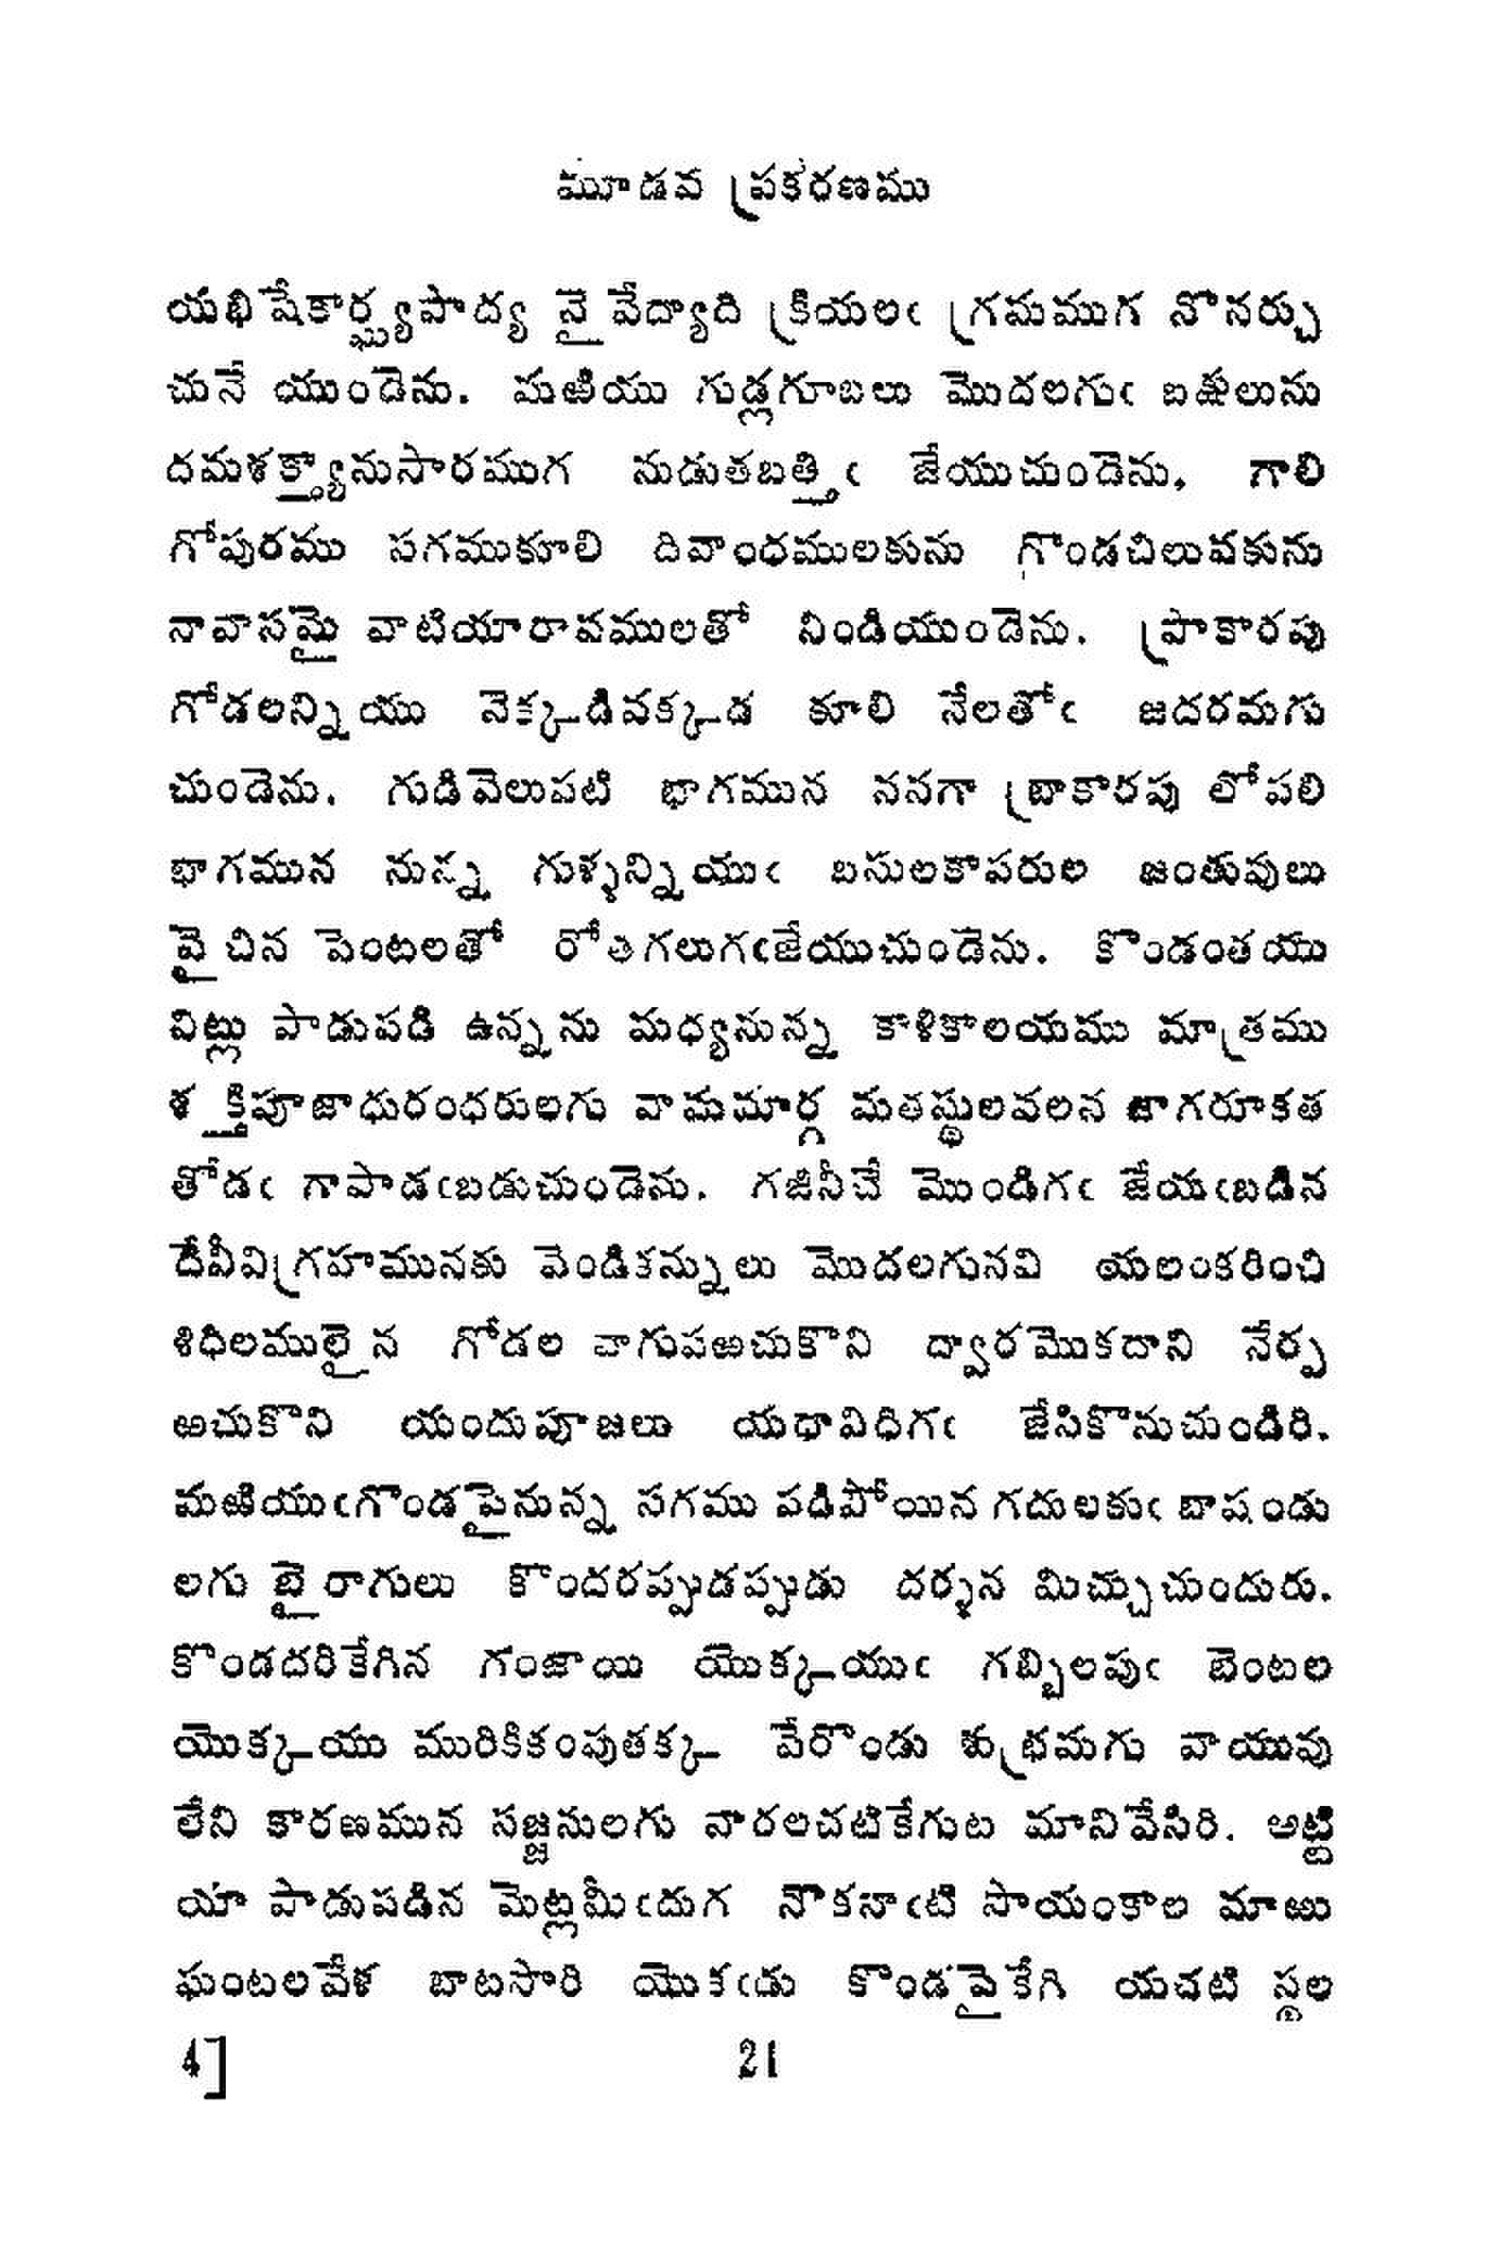యభిషేకార్ఘ్యపాద్య నైవేద్యాది క్రియలఁ గ్రమముగ నొనర్చుచునే యుండెను. మఱియు గుడ్లగూబలు మొదలగుఁ బక్షులును దమశక్త్యానుసారముగ నుడుతబత్తిఁ జేయుచుండెను, గాలి గోపురము సగముకూలి దివాంధములకును గొండచిలువకును నావాసమై వాటియారావములతో నిండియుండెను. ప్రాకారపు గోడలన్నియు నెక్కడివక్కడ కూలి నేలతోఁ జదరమగు చుండెను. గుడివెలుపటి భాగమున ననగా బ్రాకారపు లోపలి భాగమున నున్న గుళ్ళన్నియుఁ బసులకాపరుల జంతువులు వైచిన పెంటలతో రోతగలుగఁజేయుచుండెను. కొండంతయు నిట్లు పాడుపడి ఉన్నను మధ్యనున్న కాళికాలయము మాత్రము శక్తిపూజాధురంధరులగు వామమార్గ మతస్థులవలన జాగరూకత తోడఁ గాపాడఁబడుచుండెను. గజినీచే మొండిగఁ జేయఁబడిన దేవీవిగ్రహమునకు వెండికన్నులు మొదలగునవి యలంకరించి శిధిలములైన గోడల బాగుపఱచుకొని ద్వారమొకదాని నేర్పఱచుకొని యందుపూజలు యధావిధిగఁ జేసికొనుచుండిరి. మఱియుఁగొండపైనున్న సగము పడిపోయిన గదులకుఁ బాషండులగు బైరాగులు కొందరప్పుడప్పుడు దర్శన మిచ్చుచుందురు. కొండదరికేగిన గంజాయి యొక్కయుఁ గబ్బిలపుఁ బెంటల యొక్కయు మురికికంపుతక్క వేరొండు శుభ్రమగు వాయువు లేని కారణమున సజ్జనులగు వారలచటి కేగుట మానివేసిరి. అట్టి యా పాడుపడిన మెట్లమీఁదుగ నొకనాఁటి సాయంకాల మాఱు ఘంటలవేళ బాటసారి యొకఁడు కొండపైకేగి యచటి స్థల